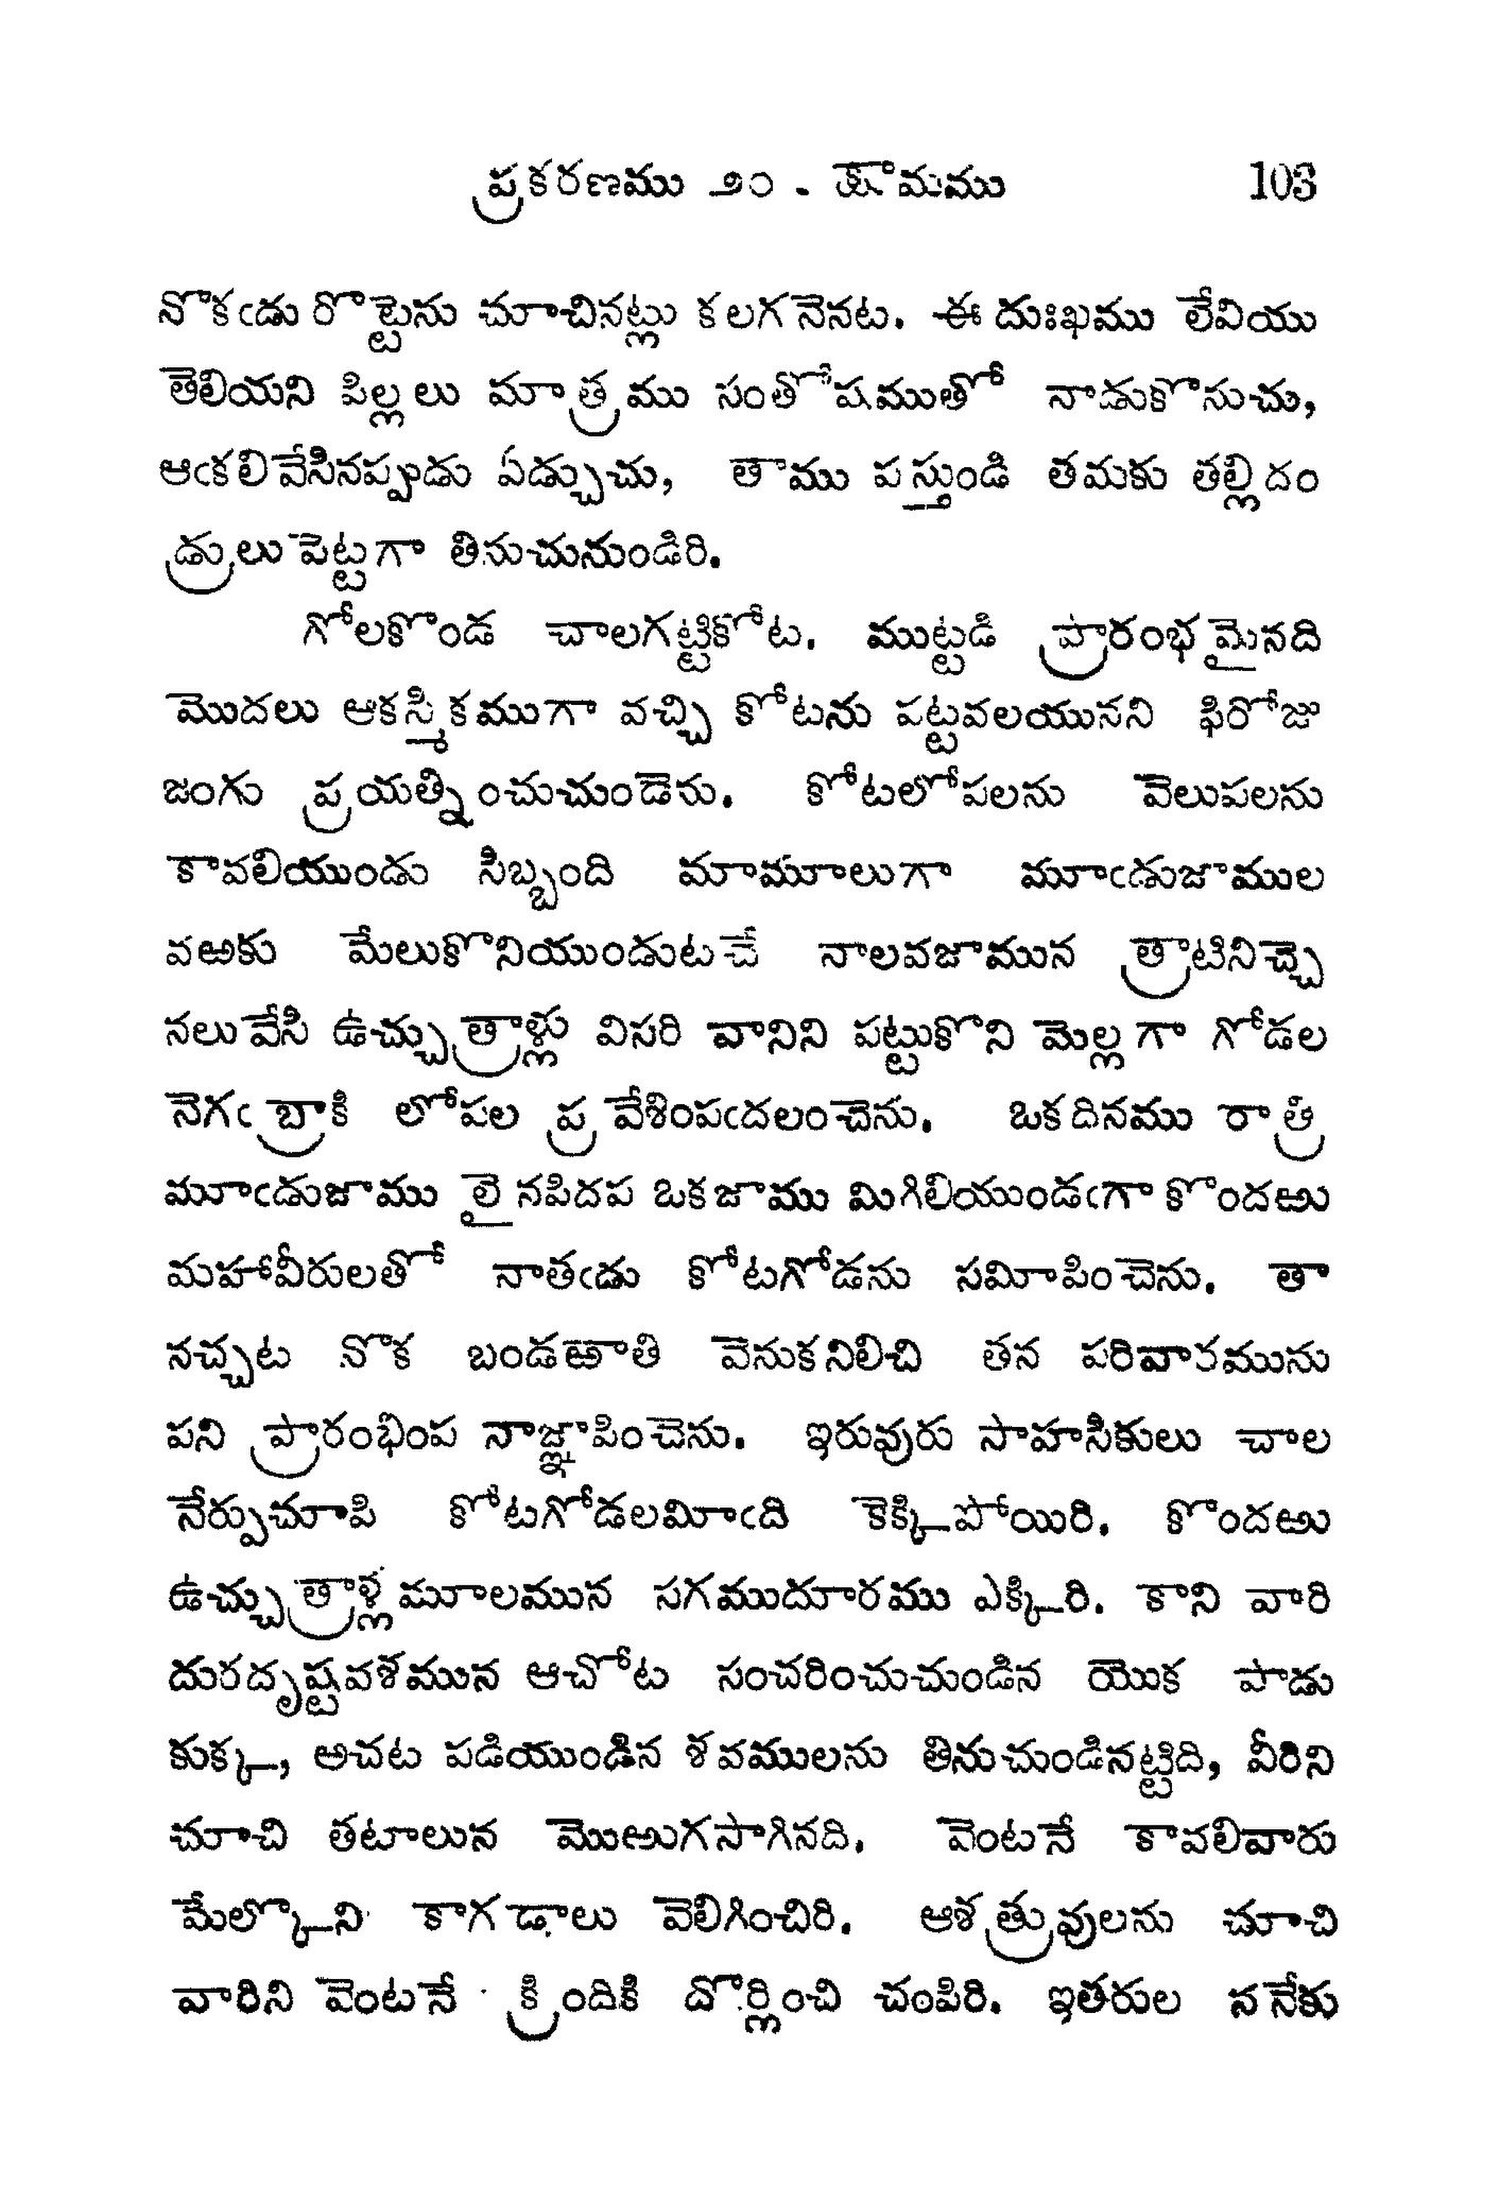నొకఁడు రొట్టెను చూచినట్లు కలగనెనట. ఈ దుఃఖము లేవియు తెలియని పిల్లలు మాత్రము సంతోషముతో నాడుకొనుచు, ఆఁకలివేసినప్పుడు ఏడ్చుచు, తాము పస్తుండి తమకు తల్లిదండ్రులుపెట్టగా తినుచునుండిరి. 

గోలకొండ చాలగట్టికోట. ముట్టడి ప్రారంభమైనది మొదలు ఆకస్మికముగా వచ్చి కోటను పట్టవలయునని ఫిరోజు జంగు ప్రయత్నించుచుండెను. కోటలోపలను వెలుపలను కావలియుండు సిబ్బంది మూమూలుగా మూఁడుజాముల వఱకు మేలుకొనియుండుటచే నాల్గవజామున త్రాటినిచ్చెనలువేసి ఉచ్చుత్రాళ్లు విసరి వానిని పట్టుకొని మెల్లగా గోడల నెగఁబ్రాకి లోపల ప్రవేశింపఁదలంచెను. ఒకదినము రాత్రి మూఁడుజాము లైనపిదప ఒక జాము మిగిలియుండఁగా కొందఱు మహావీరులతో నాతఁడు కోటగోడను సమీపించెను. తా నచ్చట నొక బండఱాతి వెనుకనిలిచి తన పరివారమును పని ప్రారంభింప నాజ్ఞాపించెను. ఇరువురు సాహసికులు చాల నేర్పుచూపి కోటగోడలమీఁది కెక్కిపోయిరి. కొందఱు ఉచ్చుత్రాళ్లమూలమున సగముదూరము ఎక్కిరి. కాని వారి దురదృష్టవశమున ఆచోట సంచరించుచుండిన యొక పాడు కుక్క, అచట పడియుండిన శవములను తినుచుండినట్టిది, వీరిని చూచి తటాలున మొఱుగసాగినది. వెంటనే కావలివారు మేల్కొని కాగడాలు వెలిగించిరి. ఆశత్రువులను చూచి వారిని వెంటనే క్రిందికి దొర్లించి చంపిరి. ఇతరుల ననేకు